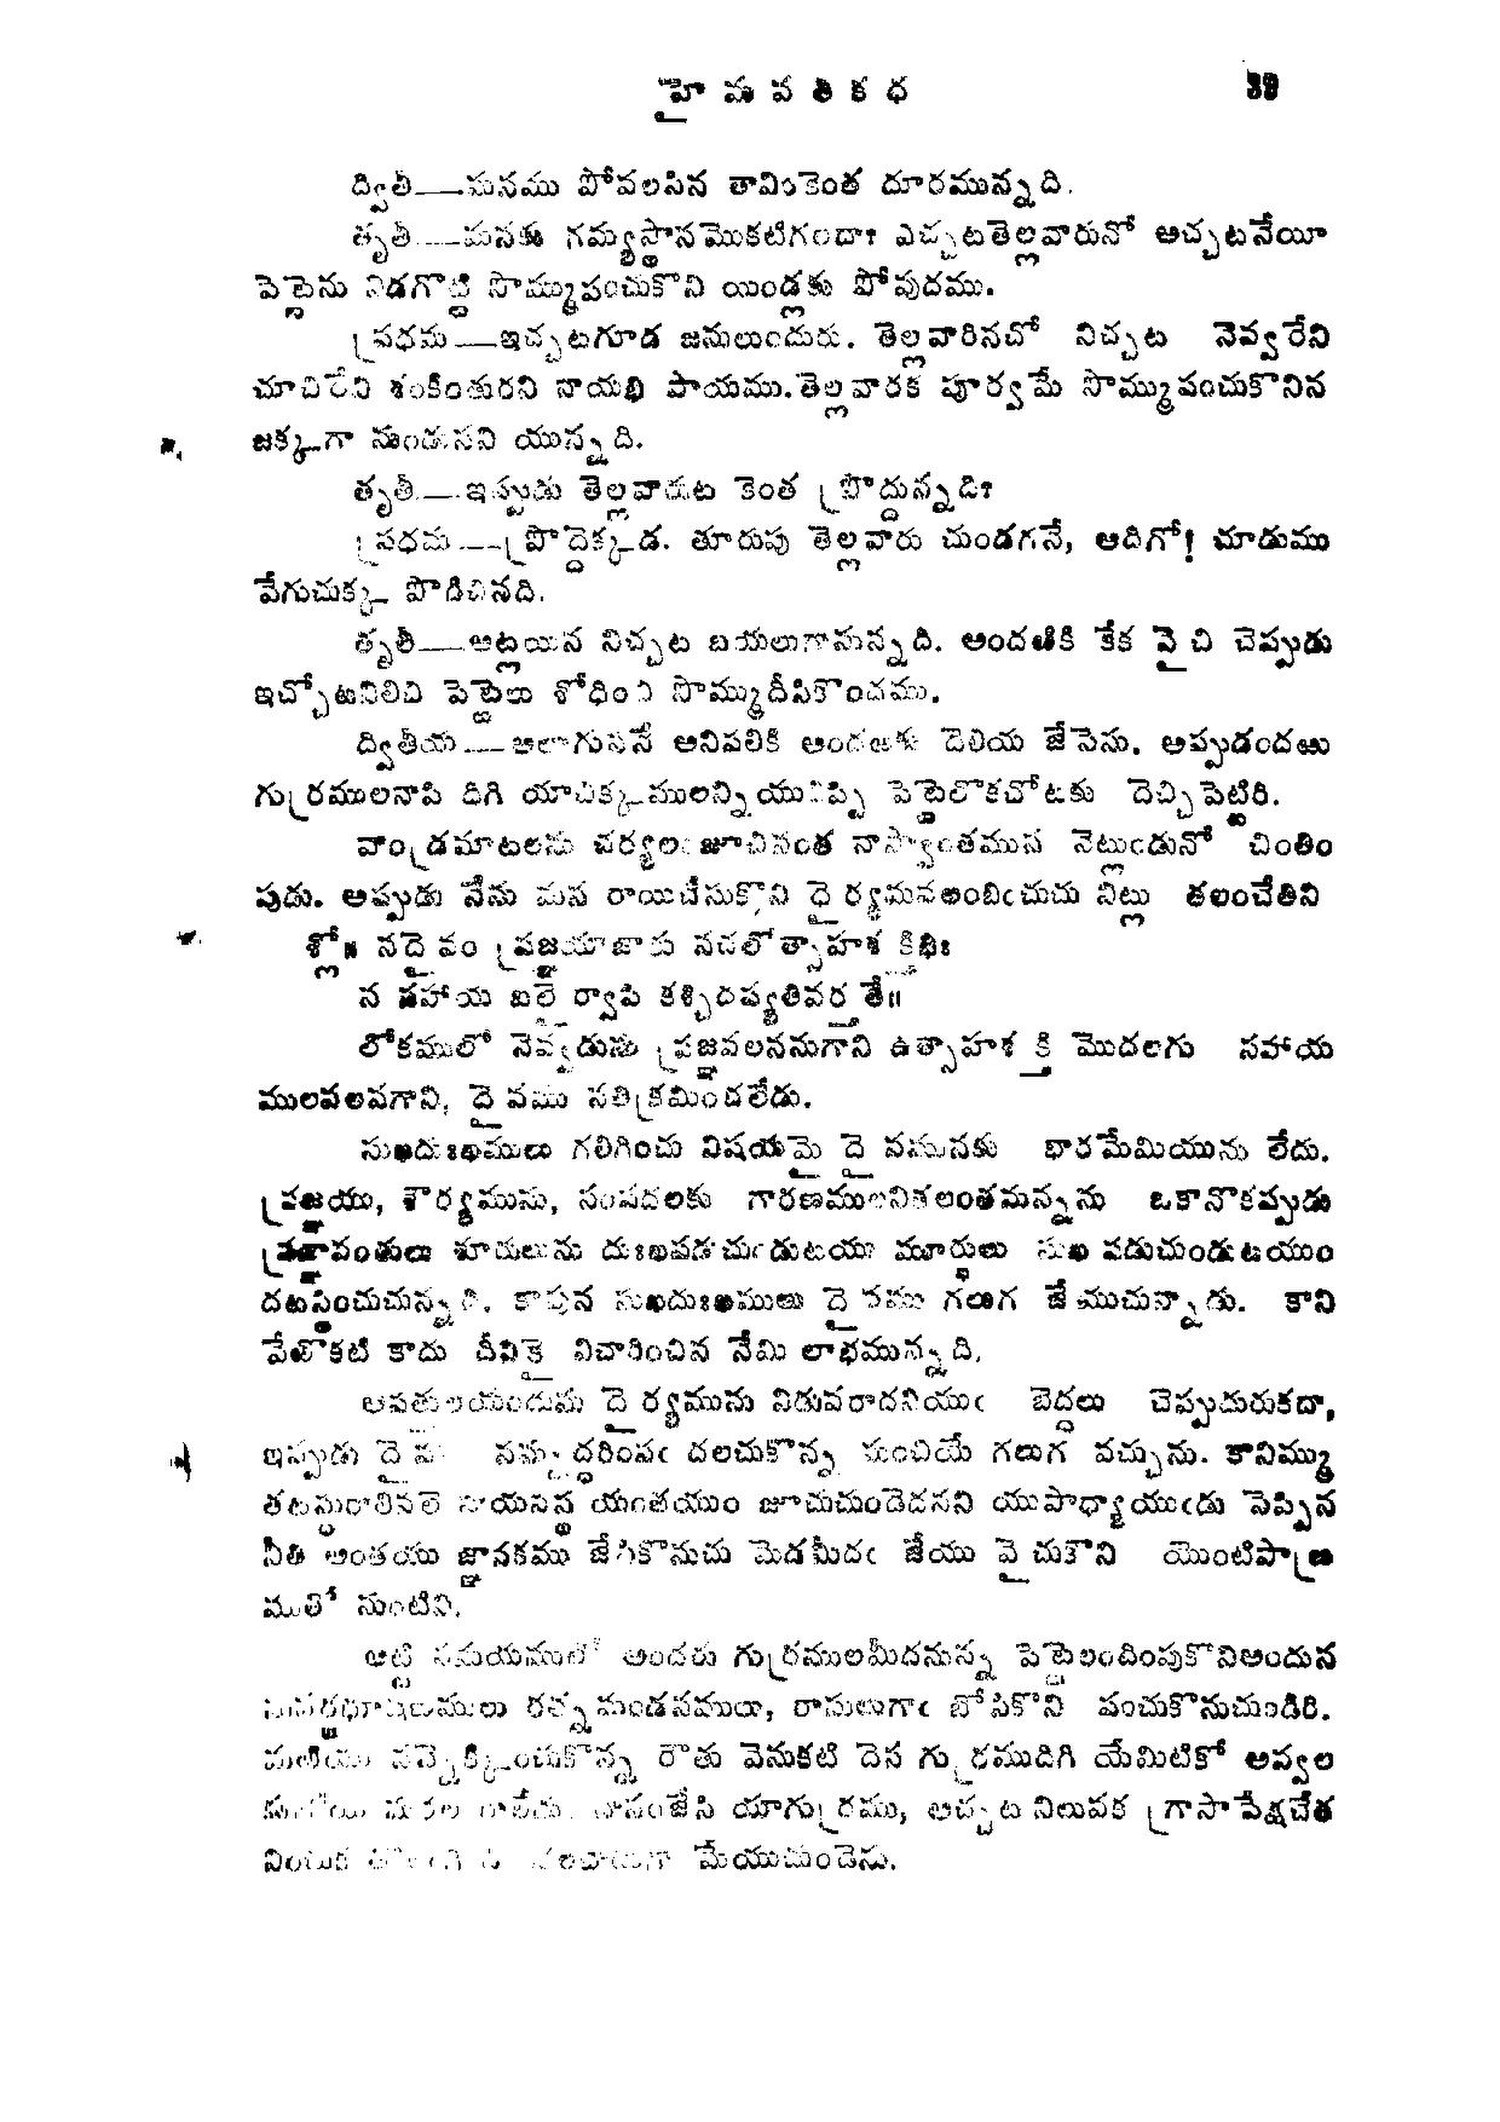ద్వితీ - మనము పోవలసిన తావింకెంత దూరమున్నది.

తృతీ - మనకు గమ్యస్థానమొకటిగలదా? ఎచ్చట తెల్లవారునో అచ్చటనేయీ పెట్టెను విడగొట్టి సొమ్ముపంచుకొని యిండ్లకు పోవుదము.

ప్రధమ - ఇచ్చటగూడ జనులుందురు. తెల్లవారినచో నిచ్చట నెవ్వరేని చూచిరేని శంకింతురని నాయభిప్రాయము. తెల్లవారక పూర్వమే సొమ్ము పంచుకొనిన జక్కగా నుండునని యున్నది.

తృతీ - ఇప్పుడు తెల్లవారుట కెంత ప్రొద్దున్నది?

ప్రధమ - ప్రొద్దెక్కడ. తూరుపు తెల్లవారుచుండగనే, అదిగో! చూడుము వేగుచుక్క పొడిచినది.

తృతీ - అట్లయిన నిచ్చట బయలుగానున్నది. అందఱికి కేక వైచి చెప్పుడు ఇచ్చోట నిలిచి పెట్టెల శోధించి సొమ్ముదీసికొందము.

ద్వితీయ - అలాగుననే అనిపలికి అందఱకు దెలియ జేసెను. అప్పుడందఱు గుర్రముల నాపి దిగి యాచిక్కములన్నియువిప్పి పెట్టె లొకచోటకు దెచ్చిపెట్టిరి.

వాండ్రమాటలను చర్యలంజూచినంత నాస్వాంతమున నెట్లుండునో చింతింపుడు. అప్పుడు నేను మనసురాయిచేసుకొని ధైర్యమవలంబించుచు నిట్లు తలంచేతిని

శ్లో॥ నదైవం ప్రజ్ఞయాజాతు నచలోత్సాహశక్తిభిః
 న సహాయ బలై ర్వాపి కశ్చిదప్యతివర్తతే॥
లోకములో నెవ్వడును ప్రజ్ఞవలననుగాని ఉత్సాహశక్తి మొదలగు సహాయములవలనగాని, దైవము నతిక్రమించలేదు.

సుఖదుఃఖములు గలిగించు విషయమై దైవమునకు భారమేమియును లేదు. ప్రజ్ఞయు, శౌర్యమును, సంపదలకు గారణములని తలంతమన్నను ఒకానొకప్పుడు ప్రజ్ఞావంతులు శూరులును దుఃఖపడచుండుటయు మూర్ఖులు సుఖపడుచుండుటయుం దటస్థించుచున్నది. కావున సుఖదుఃఖములు దైవము గలుగ జేయుచున్నాడు. కాని వేఱొకటి కాదు. దీనికై విచారించిన నేమి లాభమున్నది.

ఆపత్తులయందును దైర్యమును విడువరాదనియుఁ బెద్దలు చెప్పుదురుకదా, ఇప్పుడు దైవము నన్నుద్దరింపఁ దలచుకొన్న మంచియే గలుగవచ్చును. కానిమ్ము తటస్థురాలివలె నాయవస్థ యంతయుం జూచుచుండెదనని యుపాధ్యాయుఁడు సెప్పిన నీతి అంతయు జ్ఞాపకము జేసికొనుచు మెడమీదఁ జేయు వైచుకొని యొంటిప్రాణముతో నుంటిని.

అట్టి సమయములో అందరు గుర్రములమీదనున్న పెట్టెలందింపుకొని అందున్న సువర్ణభూషణములు రత్నమండనములు, రాసులుగాఁ బోసికొని పంచుకొనుచుండిరి. మఱియు నన్నెక్కించుకొన్న రౌతు
వెనుకటి దెస గుర్రము దిగి యేమిటికో అవ్వలకుబోయి మరల రాలేదు. దానంజేసి యాగుర్రము, అచ్చట
నిలువక గ్రాసాపేక్షచేత నించుక తొలఁగి తరువులచాటుగా మేయుచుండెను.